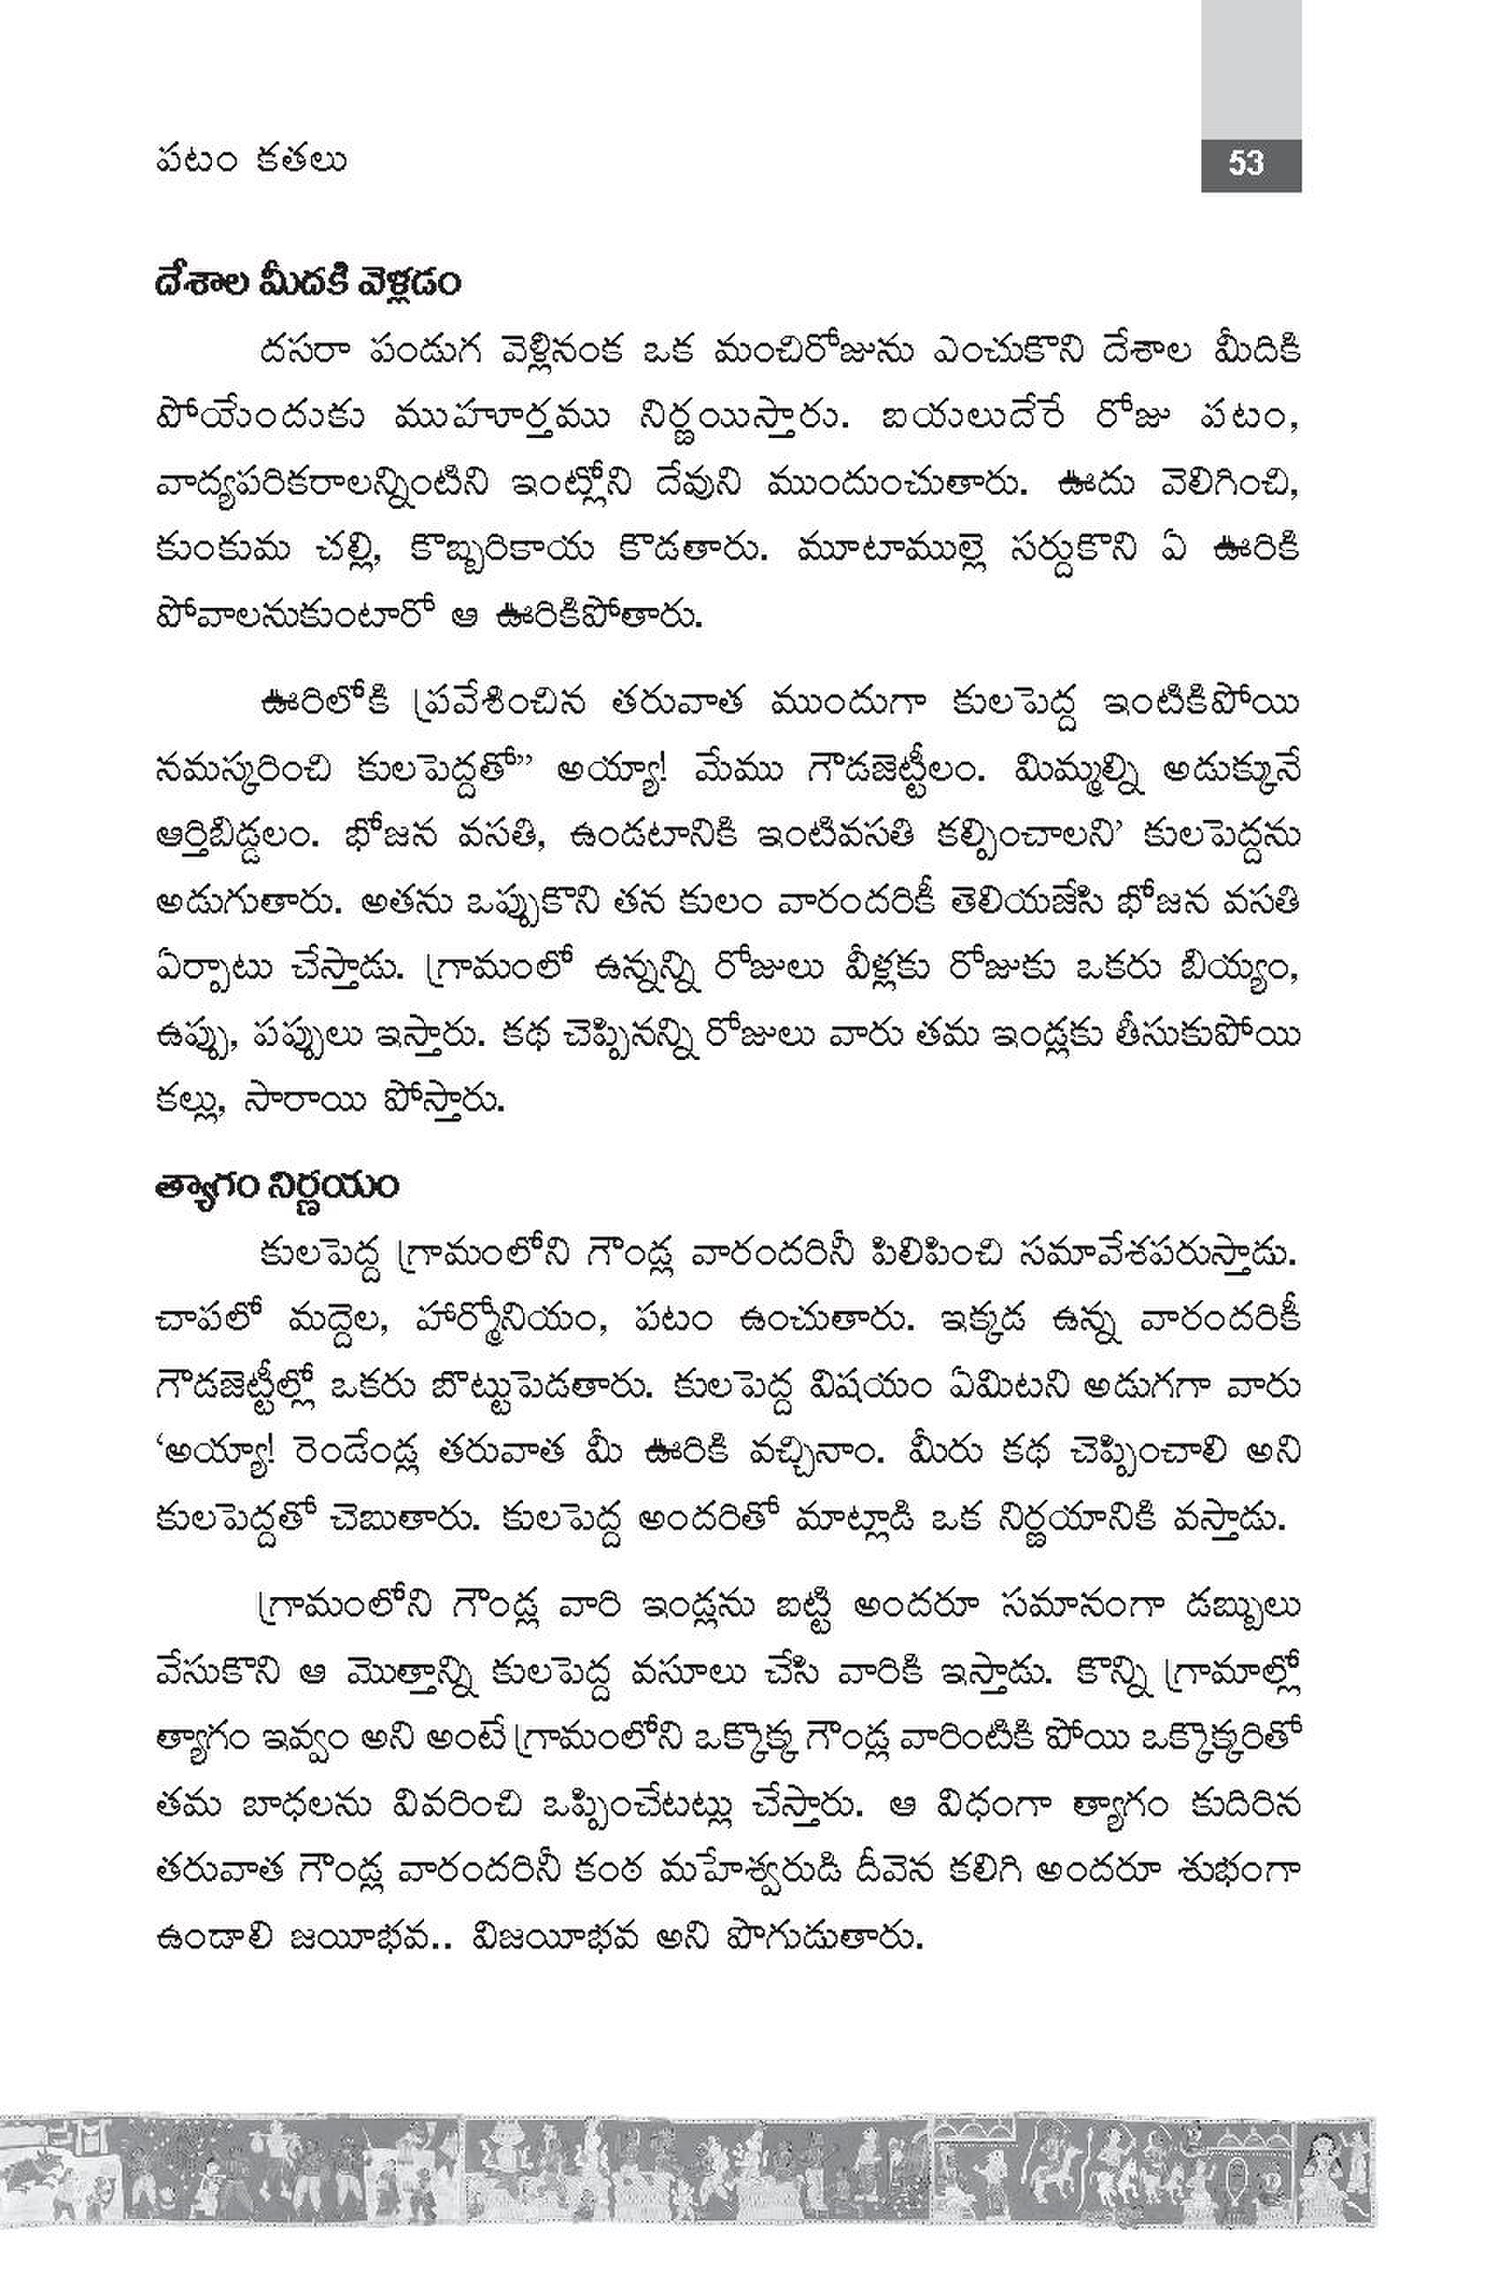దేశాల మీదకి వెళ్లడం 

దసరా పండుగ వెళ్లినంక ఒక మంచిరోజును ఎంచుకొని దేశాల మీదికి పోయేందుకు ముహూర్తము నిర్ణయిస్తారు. బయలుదేరే రోజు వటం, వాద్యపరికరాలన్నింటిని ఇంట్లోని దేవుని ముందుంచుతారు. ఊదు వెలిగించి, కుంకుమ చల్లి, కొబ్బరికాయ కొడతారు. మూటాముల్లె సర్దుకొని ఏ ఊరికి పోవాలనుకుంటారో ఆ ఊరికిపోతారు.

ఊరిలోకి ప్రవేశించిన తరువాత ముందుగా కులపెద్ద ఇంటికిపోయి నమస్కరించి కులపెద్దతో" అయ్యా! మేము గౌడజెట్టీలం. మిమ్మల్ని అదుక్కునే ఆర్తిబిడ్డలం. భోజన వసతి, ఉండటానికి ఇంటివసతి కల్పించాలని' కులపెద్దను
అడుగుతారు. అతను ఒప్పుకొని తన కులం వారందరికీ తెలియజేసి భోజన వసతి ఏర్పాటు చేస్తాడు. గ్రామంలో ఉన్నన్ని రోజులు వీళ్లకు రోజుకు ఒకరు బియ్యం, ఉప్పు, పప్పులు ఇస్తారు. కథ చెప్పినన్ని రోజులు వారు తమ ఇండ్లకు తీసుకుపోయి కల్లు, సారాయి పోస్తారు.

త్యాగం నిర్ణయం 

కులపెద్ద గ్రామంలోని గౌండ్ల వారందరినీ పిలిపించి సమావేశపరుస్తాడు. చాపలో మద్దెల, హార్మోనియం, పటం ఉంచుతారు. ఇక్కడ ఉన్న వారందరికీ గౌడజెట్టీల్లో ఒకరు బొట్టుపెడతారు. కులపెద్ద విషయం ఏమిటని అడుగగా వారు
అ! రెండేండ్ల తరువాత మీ ఊరికి వచ్చినాం. మీరు కథ చెప్పించాలి అని కులపెద్దతో చెబుతారు. కులపెద్ద అందరితో మాట్లాడి ఒక నిర్ణయానికి వస్తాడు. 

గ్రామంలోని గౌండ్ల వారి ఇండ్లను బట్టి అందరూ సమానంగా డబ్బులు వేసుకొని ఆ మొత్తాన్ని కులపెద్ద వసూలు చేసి వారికి ఇస్తాడు. కొన్ని గ్రామాల్లో త్యాగం ఇవ్వం అని అంటే గ్రామంలోని ఒక్కొక్క గౌండ్ల వారింటికి పోయి ఒక్కొక్కరితో
తమ బాధలను వివరించి ఒప్పించేటట్లు చేస్తారు. ఆ విధంగా త్యాగం కుదిరిన తరువాత గౌండ్ల వారందరినీ కంఠ మహేశ్వరుడి దీవెన కలిగి అందరూ శుభంగా ఉండాలి జయీభవ.. విజయీభవ అని పొగుడుతారు.